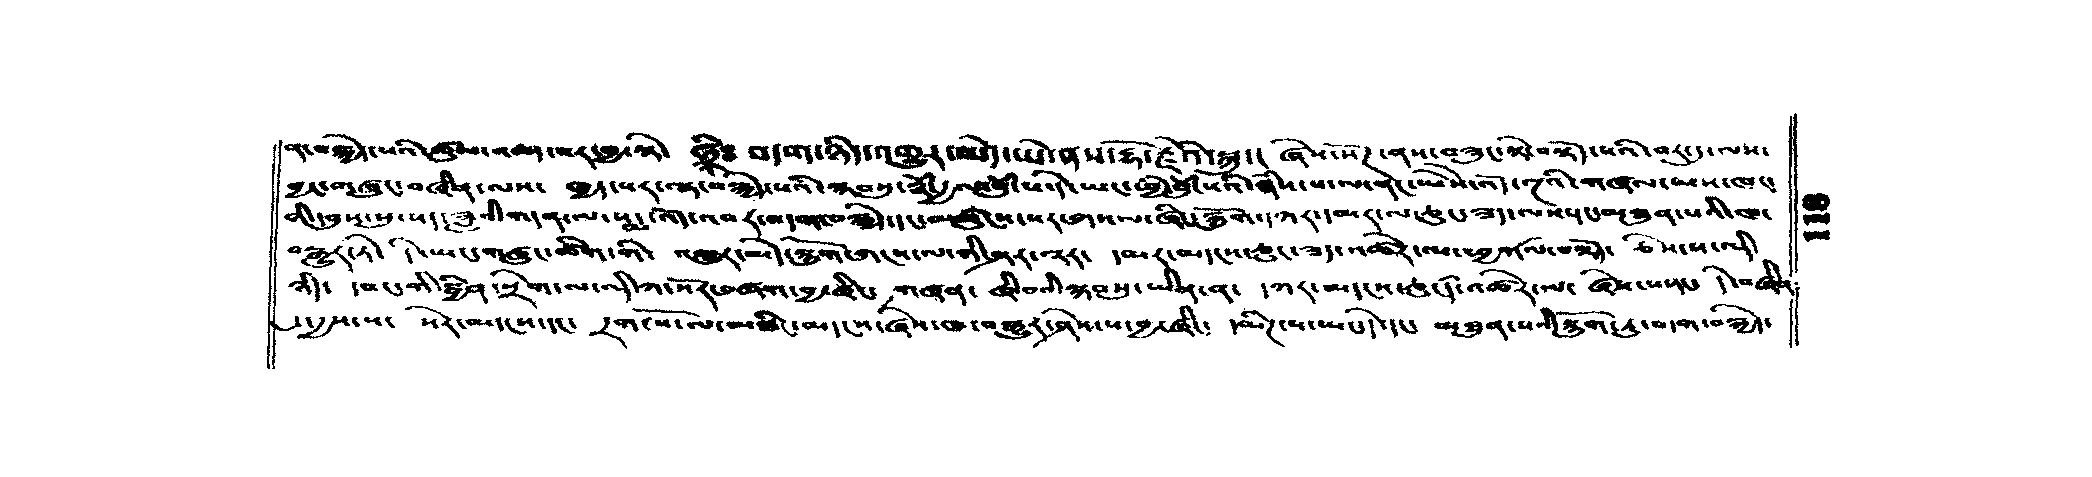ན་བསྐྱེད་པའི་ཚུལ་འཆད་པར་བྱ་སྟེ། ཧྲཱིཿ བདག་ཉིད་འགྱུར་མེད་ཡེ་ནས་རྡོ་རྗེའི་སྐུ། ། ཞེས་སོགས་ནས་བཟུང་སྟེ་བསྟོད་པའི་བར་དུ་ལས་
བྱང་གཞུང་བཞིན་ལས། ཁྱད་པར་ལྷ་བསྐྱེད་པའི་སྐབས་སུ་རྣམ་རྒྱལ་བུམ་པ་དེ་ཡང་ཕྱི་བུམ་པའི་རྣམ་པ་ལ་ནང་ཡེ་ཤེས་ལྔའི་གཞལ་ཡས་ཁང་
གི་དབུས་སུ་པད་ཟླའི་གདན་ལ་པདྨ་འོད་འབར་བདག་བསྐྱེད་དང་མཚུངས་པར་གསལ་ཞིང་སྐུ་མདོག་དམར་ལ་ཅུང་ཟད་ལས་དང་མཐུན་པའི་ཁ་བསྒྱུར་ཏེ། དེ་ཡང་གཞུང་ཚིག་གི་འགྱུར་མེད་སྐུ་མདོག་གངས་ལ་ཉི་ཤར་འདྲ། །དམར་མདངས་ཅུང་ཟད་འཚེར་ལ་ཕྱག་འཚལ་བསྟོད། །ཅེས་པ་འདི་
ཉིད། དབང་གི་སྦྱིནལ་སྲེག་ལ་འདི་ཀ་སོར་བཞག་བྱ་ཞིང་། གཞན་ཞི་བའི་སྐབས་སུ་ཡིན་ན། དཀརལམདངས་ཅུང་ཟད་འཚེར་ལ། །ཞེས་པ་དང་། དེ་བཞིན་
དུ་རྒྱས་པ། སེར་མདངས་དང་། དྲག་པོ་ལ་མཐིང་མདངས་ཞེས་ཁ་བསྒྱུར་ཤེས་པ་བྱ་ཞིང་། དམིགས་པ་ཡང་དེ་དང་མཐུན་པའི་སྐུ་མདོག་ཏུ་བདག་བསྐྱེད་